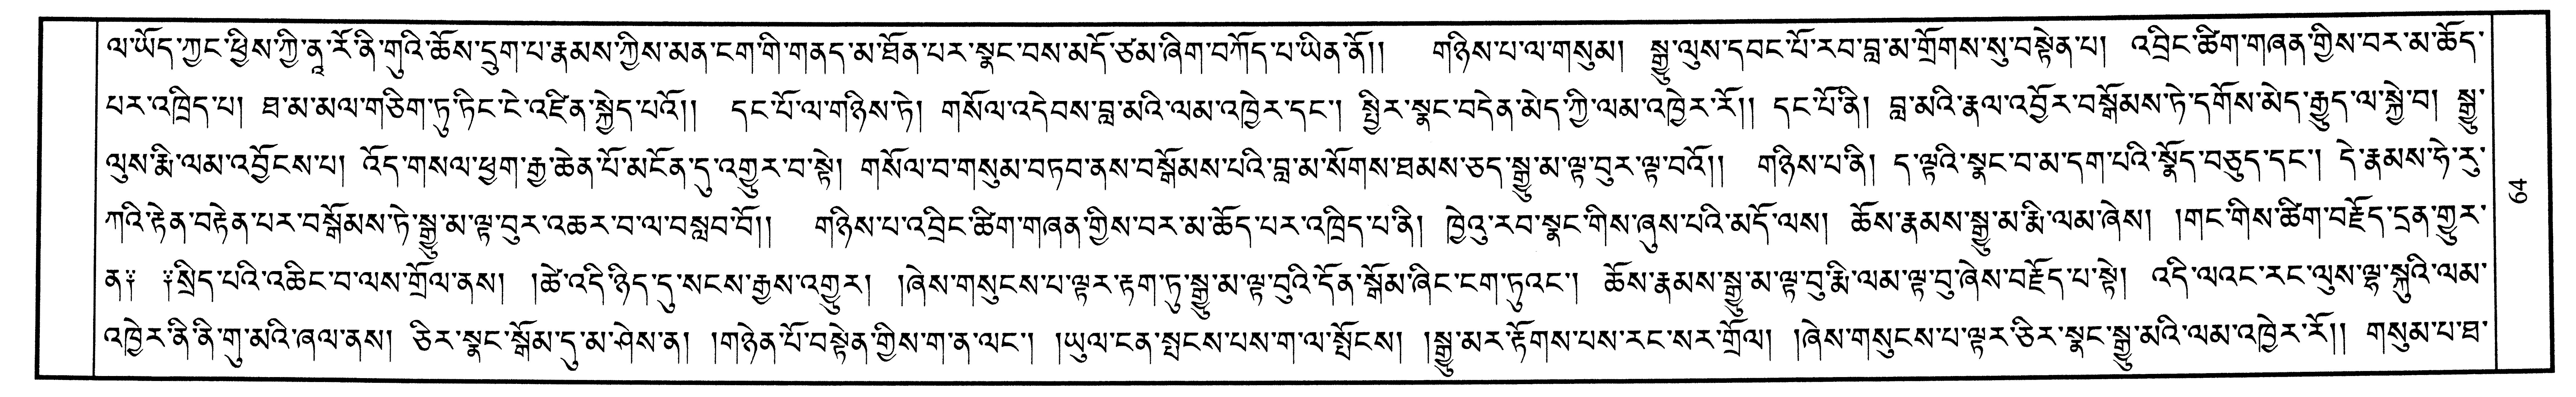ལ་ཡོད་ཀྱང་ཕྱིས་ཀྱི་ནཱ་རོ་ནི་གུའི་ཆོས་དྲུག་པ་རྣམས་ཀྱིས་མན་ངག་གི་གནད་མ་ཐོན་པར་སྣང་བས་མདོ་ཙམ་ཞིག་བཀོད་པ་ཡིན་ནོ།། གཉིས་པ་ལ་གསུམ། སྒྱུ་ལུས་དབང་པོ་རབ་བླ་མ་གྲོགས་སུ་བསྟེན་པ། འབྲིང་ཚིག་གཞན་གྱིས་བར་མ་ཆོད་
པར་འཁྲིད་པ། ཐ་མ་མལ་གཅིག་ཏུ་ཏིང་ངེ་འཛིན་སྐྱེད་པའོ།། དང་པོ་ལ་གཉིས་ཏེ། གསོལ་འདེབས་བླ་མའི་ལམ་འཁྱེར་དང་། སྤྱིར་སྣང་བདེན་མེད་ཀྱི་ལམ་འཁྱེར་རོ།། དང་པོ་ནི། བླ་མའི་རྣལ་འབྱོར་བསྒོམས་ཏེ་དགོས་མེད་རྒྱུད་ལ་སྐྱེ་བ། སྒྱུ་
ལུས་རྨི་ལམ་འབྱོངས་པ། འོད་གསལ་ཕྱག་རྒྱ་ཆེན་པོ་མངོན་དུ་འགྱུར་བ་སྟེ། གསོལ་བ་གསུམ་བཏབ་ནས་བསྒོམས་པའི་བླ་མ་སོགས་ཐམས་ཅད་སྒྱུ་མ་ལྟ་བུར་ལྟ་བའོ།། གཉིས་པ་ནི། ད་ལྟའི་སྣང་བ་མ་དག་པའི་སྣོད་བཅུད་དང་། དེ་རྣམས་ཧེ་རུ་
ཀའི་རྟེན་བརྟེན་པར་བསྒོམས་ཏེ་སྒྱུ་མ་ལྟ་བུར་འཆར་བ་ལ་བསླབ་བོ།། གཉིས་པ་འབྲིང་ཚིག་གཞན་གྱིས་བར་མ་ཆོད་པར་འཁྲིད་པ་ནི། ཁྱེའུ་རབ་སྣང་གིས་ཞུས་པའི་མདོ་ལས། ཆོས་རྣམས་སྒྱུ་མ་རྨི་ལམ་ཞེས། །གང་གིས་ཚིག་བརྗོད་དྲང་གྱུར་
ན༑ ༑སྲིད་པའི་འཆིང་བ་ལས་གྲོལ་ནས། །ཚེ་འདི་ཉིད་དུ་སངས་རྒྱས་འགྱུར། །ཞེས་གསུངས་པ་ལྟར་རྟག་ཏུ་སྒྱུ་མ་ལྟ་བུའི་དོན་སྒོམ་ཞིང་ངག་ཏུའང་། ཆོས་རྣམས་སྒྱུ་མ་ལྟ་བུ་རྨི་ལམ་ལྟ་བུ་ཞེས་བརྗོད་པ་སྟེ། འདི་ལའང་རང་ལུས་ལྷ་སྐུའི་ལམ་
འཁྱེར་ནི་ནི་གུ་མའི་ཞལ་ནས། ཅིར་སྣང་སྒོམ་དུ་མ་ཤེས་ན། །གཉེན་པོ་བསྟེན་གྱིས་ག་ན་ལང་། །ཡུལ་ངན་སྤངས་པས་ག་ལ་སྤོངས། །སྒྱུ་མར་རྟོགས་པས་རང་སར་གྲོལ། །ཞེས་གསུངས་པ་ལྟར་ཅིར་སྣང་སྒྱུ་མའི་ལམ་འཁྱེར་རོ།། གསུམ་པ་ཐ་